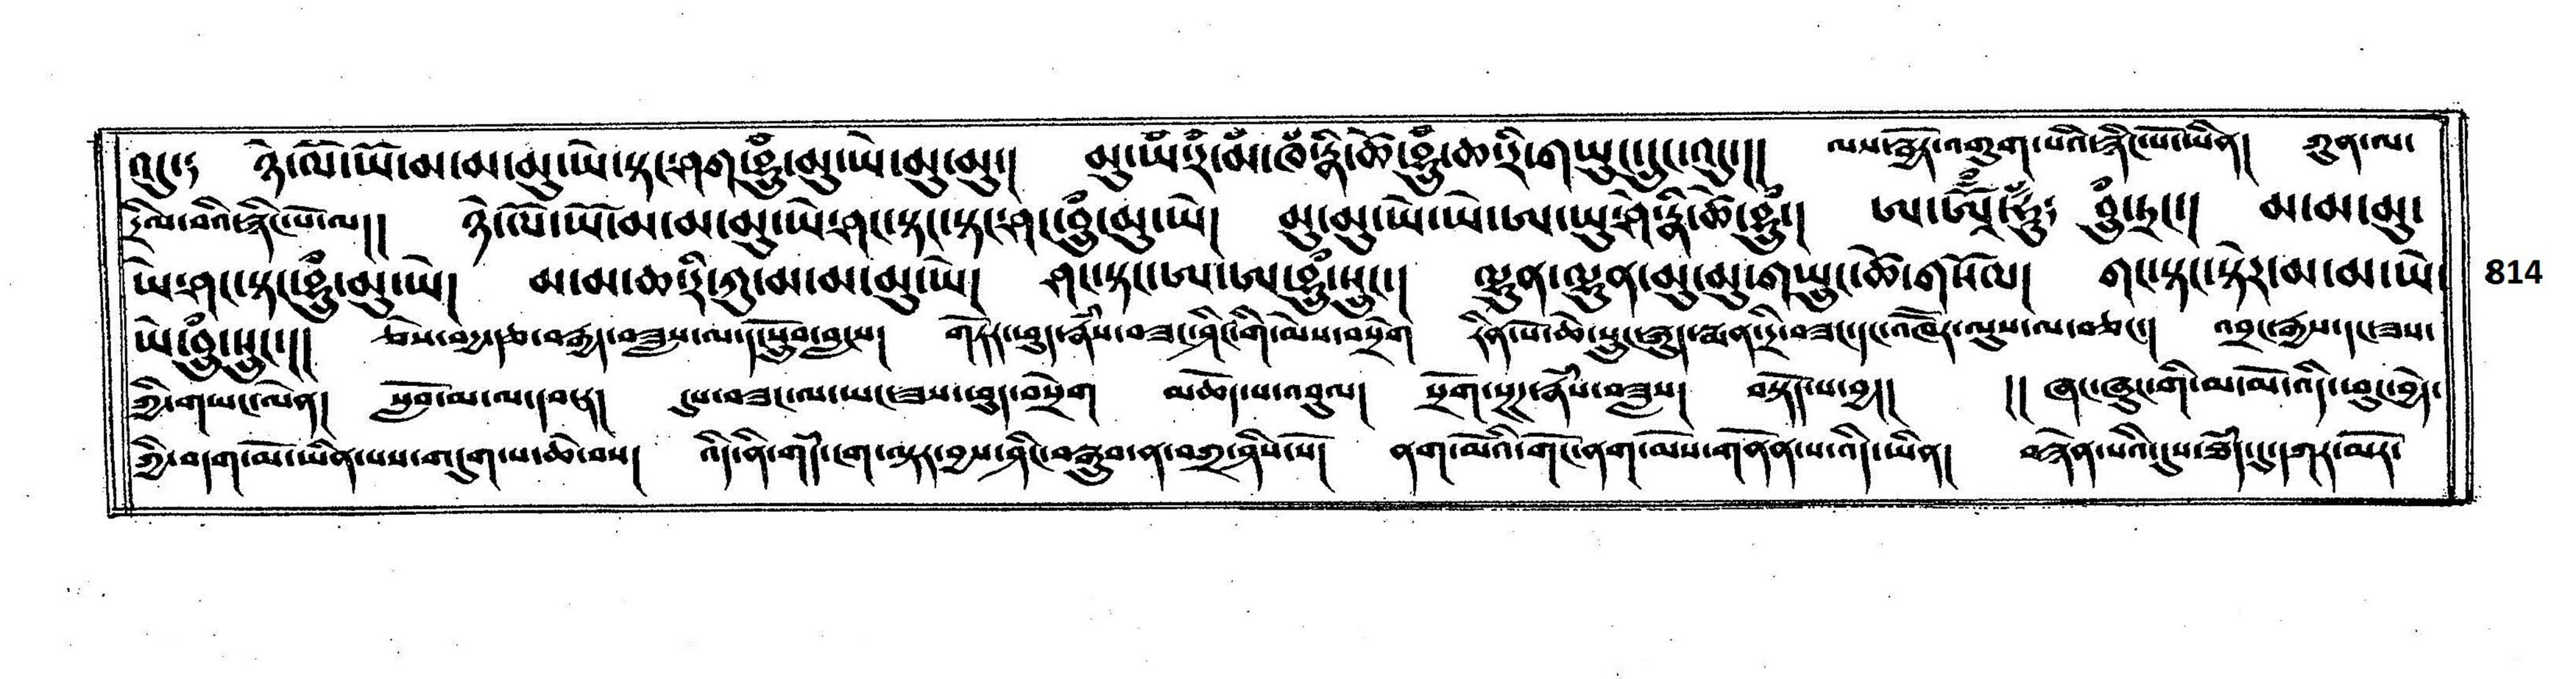འདུ། ཉེ་ལོ་ཡོ་མ་མ་མུ་ཡེ་སྟང་ཤག་བྷྲུཾ་མུ་ཡེ་མུ་མུ། མུ་ཡཾ་རཾ་མཾ་ཁཾ་རྣི་ཚེ་བྷྲུཾ་ཆ་རི་གཡུང་དྲུང་འདུ།། ལས་སྦྱོར་འགུག་པའི་སྙིང་པོ་ཡིན། ཀུན་ལ་
དྲིལ་བའི་སྙིང་པོ་ལ།། ཉེ་ལོ་ཡོ་མ་མ་མུ་ཡེ་ཤང་སྟང་སྟང་ཤང་བྲུཾ་མུ་ཡེ། མུ་མུ་ཡེ་ཡེ་ཨ་ཡུ་ཤེ་རྣི་ཚེ་བྷྲུཾ། ཨ་ཨཱོཾ་ཧཱུྃ བྲུཾ་ཏྲང་། མ་མ་མུ་
ཡེ་ཤང་སྟང་བྷྲུཾ་མུ་ཡེ། མ་མ་ཆ་རི་ཀུ་མ་མ་མུ་ཡེ། ཤང་སྟང་ཨ་ཨ་བྷྲུཾ་སྲུང་། ལྷུན་ལྷུན་མུ་མུ་གཡུང་དྲུང་ཚེ་གསོལ། གང་སྟང་སྟེར་མ་མ་ཡེ་
ཡེ་བྲུཾ་སྲུང་།། ཅེས་བརྒྱ་རྩ་བརྒྱད་བཟླས་ལ་དངོས་གྲུབ་བླངས། གཏོར་ཕུད་རྣམས་བཟང་ཤིང་གི་མེས་བསྲེག རིན་པོ་ཆེ་སྲུང་སྐུ་སྟོད་སྨན་དྲི་བཟང་དང་འཁོར་ལོ་ལུས་ལ་བཅང་། འབྲང་རྒྱས་དང་ཟས་
ཀྱི་གཡང་ལེན། སློབ་མ་ལ་དབང་བསྐུར། དུས་བཟང་ལ་ཡང་ཟས་ཕུད་བསྲེག མཆོད་པ་འབུལ། སྲོག་སྔགས་རྣམས་བཟླས། བསྟོད་པ་བྱ།། །།ཞང་ཞུང་གི་མ་མོ་འདི་ཕུང་བྱེད་
ཀྱི་བདག་མོ་ཡིན་པས་གདུག་པ་ཆེ་བས། འདི་ནི་གདམ་ངག་ལྟར་བྱས་ཤིང་བསྒྲུབ་ན་བཀྲ་ཤིས་སོ། ནག་མོའི་གོང་ནག་མོས་གནོན་པ་འདི་ཡིན། བསྙེན་པའི་དུས་ཐམས་ཅད་དུ་དཀར་མོར་